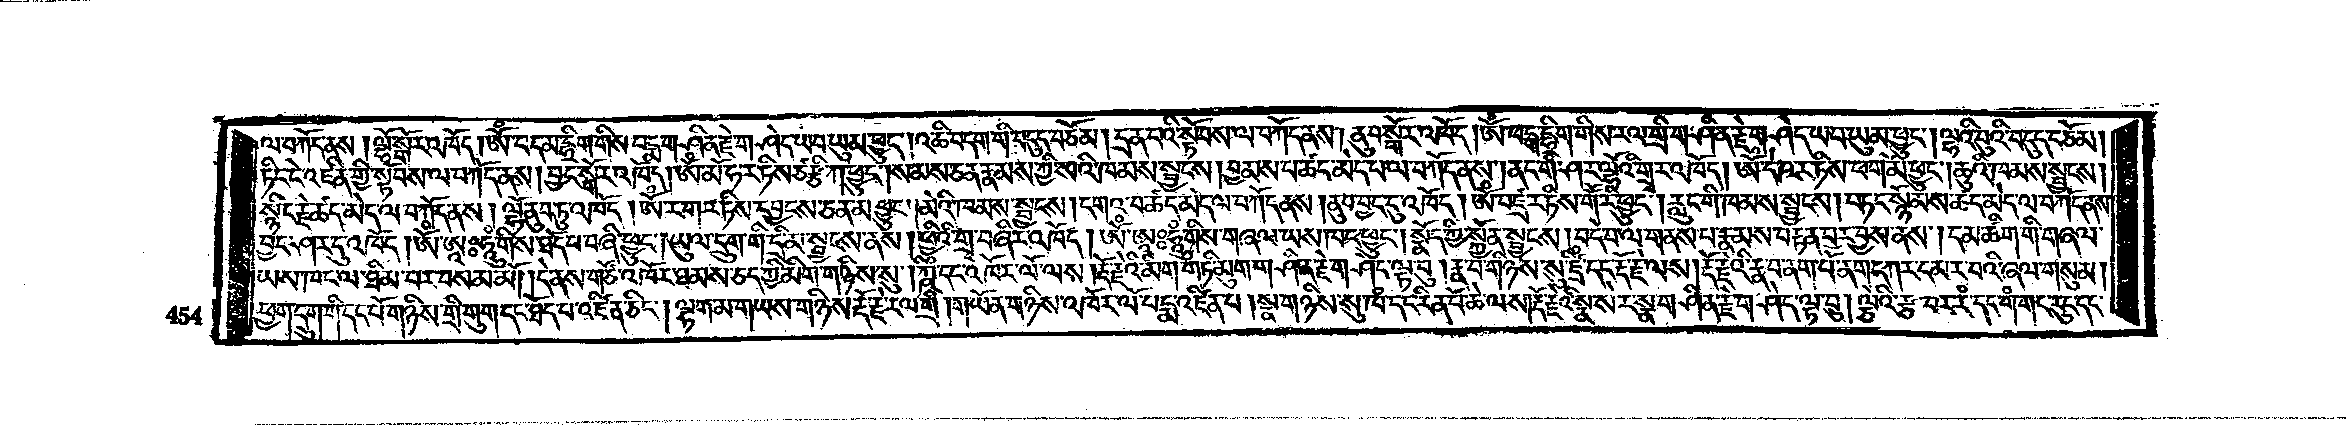ལ་བཀོད་ནས། ལྷོ་སྒོར་འཁོད། ཨོཾ་པད་མ་དྷྲིག་གིས་པདམ་གཤིན་རྗེ་གཤེད་ཡབ་ཡུམ་ཕྱུང་། འཆི་བདག་གི་བདུད་བཅོམ། དྲན་པའི་སྟོབས་ལ་བཀོད་ནས། ནུབ་སྒོར་འཁོད། ཨོཾ་ཁངྒ་དྷྲིག་གིས་རལ་གྲི་གཤིན་རྗེ་གཤེད་ཡབ་ཡུམ་ཕྱུང་། ལྷའི་བུའི་བདུད་བཅོམ།
ཏིང་ངེ་འཛིན་གྱི་སྟོབས་ལ་བཀོད་ནས། བྱང་སྒོར་འཁོད། ཨོཾ་མོ་ཧ་ར་ཏིས་ཙྩི་ཀ་ཕྱུང་། སེམས་ཅན་རྣམས་ཀྱི་སའི་ཁམས་སྦྱངས། བྱམས་པ་ཚད་མེད་པ་ལ་བཀོད་ནས། ནང་གི་ཤར་ལྷོའི་གྲྭར་འཁོད། ཨོཾ་དྲེ་ཥ་ར་ཏིས་ཕག་མོ་ཕྱུང་། ཆུའི་ཁམས་སྦྱངས།
སྙིང་རྗེ་ཚད་མེད་ལ་བཀོད་ནས། ལྷོ་ནུབ་ཏུ་འཁོད། ཨོཾ་ར་ག་ར་ཏིས་དབྱངས་ཅན་མ་ཕྱུང་། མེའི་ཁམས་སྦྱངས། དགའ་བ་ཚད་མེད་ལ་བཀོད་ནས། ནུབ་བྱང་དུ་འཁོད། ཨོཾ་བཛྲ་ར་ཏི་ས་གཽ་རི་ཕྱུང་། རླུང་གི་ཁམས་སྦྱངས། བཏང་སྙོམས་ཚད་མེད་ལ་བཀོད་ནས་
བྱང་ཤར་དུ་འཁོད། ཨོཾ་ཨཱཿ ཧཱུཾ་གིས་ཐོད་པ་བཞི་ཕྱུང་། ཡུལ་དྲུག་གི་དྲི་མ་སྦྱངས་ནས། ཕྱིའི་གྲྭ་བཞིར་འཁོད། ཨོཾ་ཨཱཿ ཧཱུཾ་གིས་གཞལ་ཡས་ཁང་ཕྱུང་། སྣོད་ཀྱི་སྐྱོན་སྦྱངས། བདེ་བ་ལ་གནས་པ་རྣམས་བརྟན་པར་བྱས་ནས། དམ་ཚིག་གི་གཞལ་
ཡས་ཁང་ལ་ཐིམ་པར་བསམ་མོ། །དེ་ནས་གཙོ་འཁོར་ཐམས་ཅད་ཀྱི་མིག་གཉིས་སུ། ཀྵིཾ་དང་འཁོར་ལོ་ལས། རྡོ་རྗེའི་མིག་གཏི་མུག་གཤིན་རྗེ་གཤེད་ལྟ་བུ། རྣ་བ་གཉིས་སུ་ཛྲིཾ་དང་རྡོ་རྗེ་ལས། རྡོ་རྗེའི་རྣ་བ་ནག་པོ་ནག་དཀར་དམར་བའི་ཞལ་གསུམ།
ཕྱག་དྲུག་གི་དང་པོ་གཉིས་གྲི་གུག་དང་ཐོད་པ་འཛིན་ཅིང་། ལྷག་མ་གཡས་གཉིས་རྡོ་རྗེ་རལ་གྲི། གཡོན་གཉིས་འཁོར་ལོ་པདམ་འཛིན་པ། སྣ་གཉིས་སུ་ཁཾ་དང་རིན་པོ་ཆེ་ལས། རྡོ་རྗེའི་སྣ་སེར་སྣ་གཤིན་རྗེ་གཤེད་ལྟ་བུ། ལྕེའི་རྩ་བར་རཾ་དང་གཾ་གང་རུང་དང་